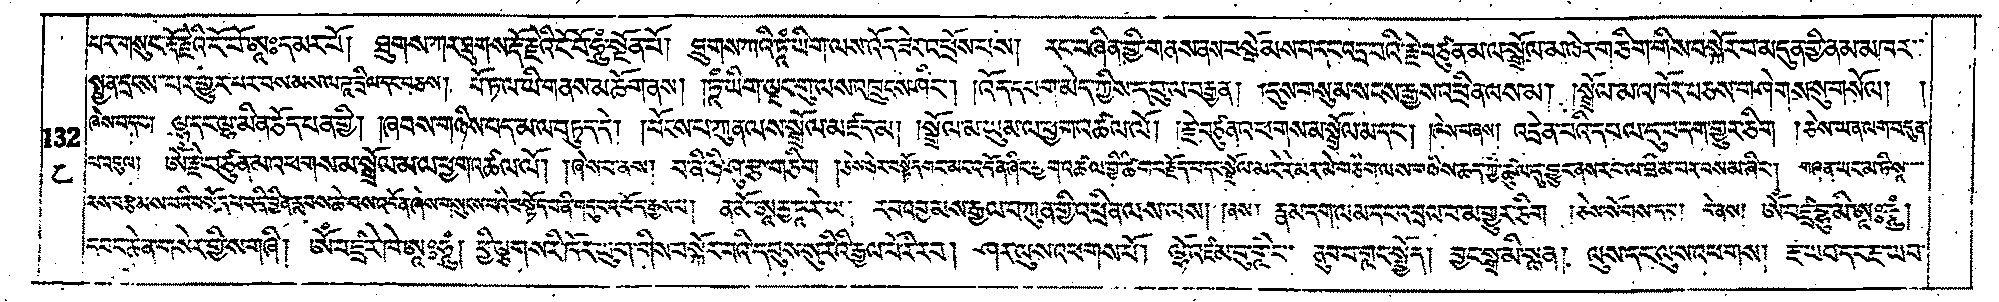པར་གསུང་རྡོ་རྗེའི་ངོ་བོ་ཨཱཿ དམར་པོ། ཐུགས་ཀར་ཐུགས་རྡོ་རྗེའི་ངོ་བོ་ཧཱུཾ་སྔོན་པོ། ཐུགས་ཀའི་ཏཱཾ་ཡིག་ལས་འོད་ཟེར་འཕྲོས་པས། རང་བཞིན་གྱི་གནས་ནས་བསྒོམས་པ་དང་འདྲ་བའི་རྗེ་བཙུན་མ་ལ་སྒྲོལ་མ་ཉེར་གཅིག་གིས་བསྐོར་བ་མདུན་གྱི་ནམ་མཁར་་་
སྤྱན་དྲངས་པར་གྱུར་པར་བསམས་ལ་ཌཱ་དྲིལ་དང་བཅས།  པོ་ཏ་ལ་ཡི་གནས་མཆོག་ནས། །ཏཱཾ་ཡིག་ལྗང་གུ་ལས་འཁྲུངས་ཤིང་། །འོད་དཔག་མེད་ཀྱིས་དབུ་ལ་བརྒྱན། །དུས་གསུམ་སངས་རྒྱས་འཕྲིན་ལས་མ། །སྒྲོལ་མ་འཁོར་བཅས་གཤེགས་སུ་གསོལ། །
ཞེས་པ་དང་།  ལྷ་དང་ལྷ་མིན་ཅོད་པན་གྱི། །ཞབས་གཉིས་པད་མ་ལ་བཏུད་དེ། །ཕོངས་པ་ཀུན་ལས་སྒྲོལ་མཛད་མ། །སྒྲོལ་མ་ཡུམ་ལ་ཕྱག་འཚལ་ལོ། །རྗེ་བཙུན་འཕགས་མ་སྒྲོལ་མ་དང་། །ཞེས་པ་ནས།  འདྲེན་པའི་དཔལ་དུ་བདག་གྱུར་ཅིག །ཅེས་ཡན་ལག་བདུན་
པ་འབུལ། ཨོཾ་རྗེ་བཙུན་མ་འཕགས་མ་སྒྲོལ་མ་ལ་ཕྱག་འཚལ་ལོ། །ཞེས་པ་ནས།  བ་ནི་ཉི་ཤུ་རྩ་གཅིག །ཅེས་ཉེར་བསྟོད་གང་མང་འདོན་ཞིང་ཕྱག་འཚལ་གྱི་ཚིག་བརྗོད་པ་དང་སྒྲོལ་མ་རེ་རེ་མར་མེ་གཅིག་ལས་གཉིས་ཆད་ཀྱི་ཚུལ་དུ་བྱུང་ནས་རང་ལ་ཐིམ་པར་བསམ་ཞིང་། གཞན་ཡང་མ་ཏི་སཱ་་་
རས་བརྩམས་པའི་བསྟོད་པ་འདི་བྱིན་རླབས་ཆེ་བས་འདོན་ཞེས་གསུངས་པའི་བསྟོད་པ་ནི་གདུང་འབོད་རྒྱས་པ། ན་མོ་ཨཱ་རྱ་ཏཱ་རེ་ཡ། རབ་འབྱམས་རྒྱལ་བ་ཀུན་ཡི་འཕྲེན་ལས་ལས། ནས། རྣམ་དག་ལས་དང་འབྶལ་བ་མ་གྱུར་ཅིག་།ཅེས་སོགས་དང་། དེ་ནས།  ཨོཾ་བཛྲ་བྷུ་མི་ཨཱཿཧཱུཾ།
དབང་ཆེན་གསེར་གྱིས་གཞི། ཨོཾ་བཛྲ་རེ་ཁེ་ཨཱཿཧཱུཾ། ཕྱི་ལྕགས་རི་ཁོར་ཡུག་གིས་བསྐོར་བའི་དཔུས་སུ་རིའི་རྒྱལ་པོ་རི་རབ། ཤར་ལུས་འཕགས་པོ། ལྷོ་འཛམ་བུ་གླིང་། ནུབ་བ་གླང་སྤྱོད། བྱང་སྒྲ་མི་སྙན། ལུས་དང་ལུས་འཕགས། རྔ་ཡབ་དང་རྔ་ཡབ་